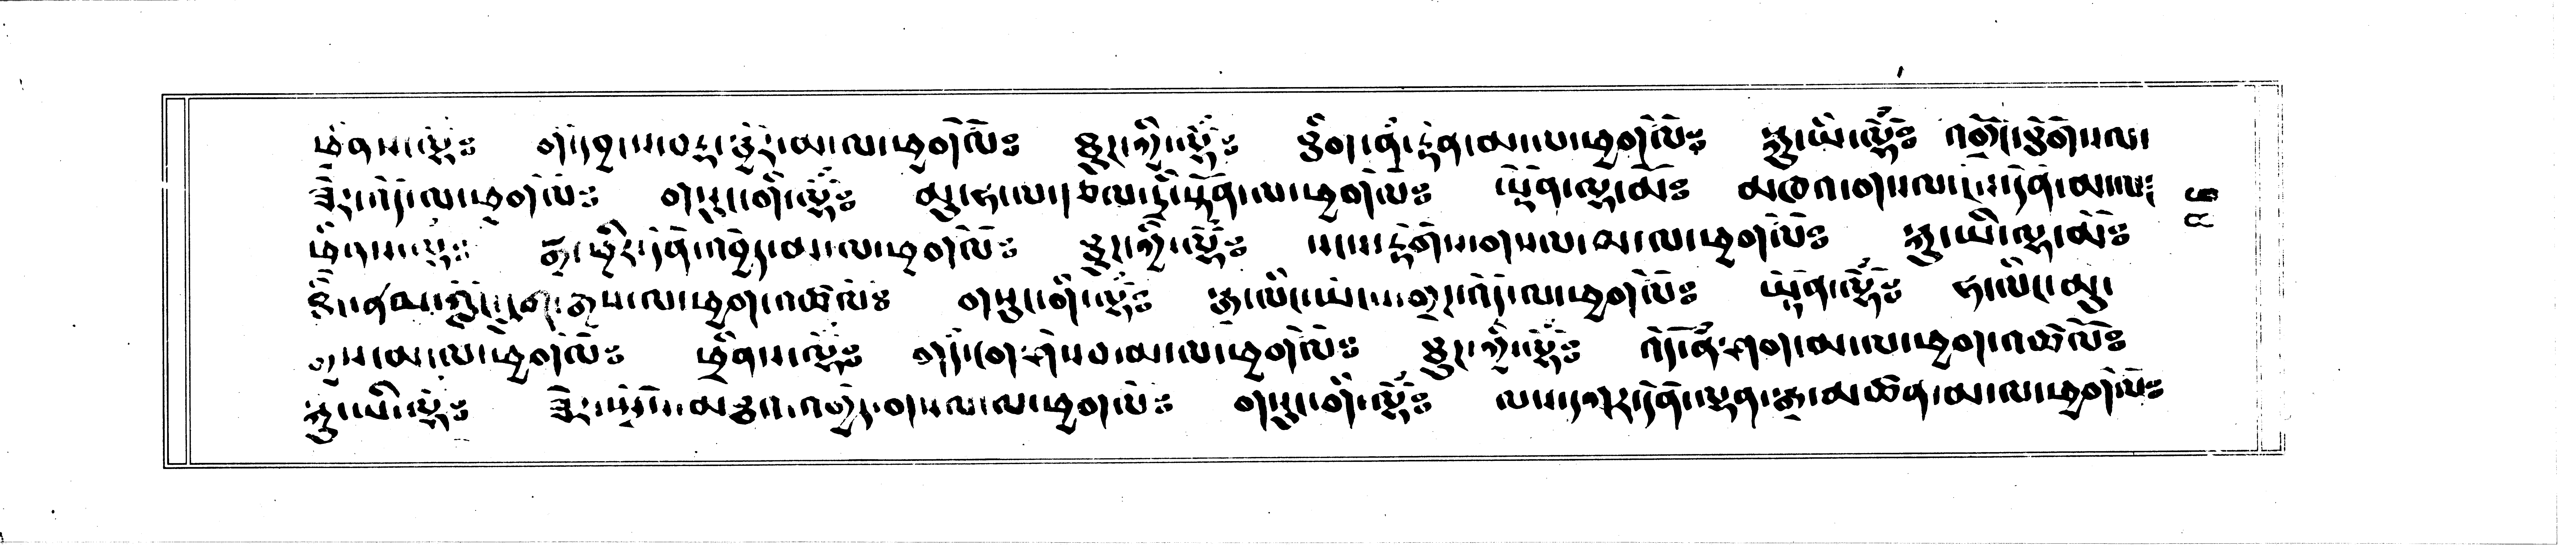ཕྲིན་ལས་ཀྱི་ལྷ་མོཿ གོ་དབྱངས་བརྡ་སྦྱོར་མ་ལ་ཕྱག་འཚལ་ལོཿ ཐུགས་ཀྱི་ལྷ་མོཿ ཐིག་ནམ་རྟེན་མ་ལ་ཕྱག་འཚལ་ལོཿ སྐུ་ཡི་ལྷ་མོཿ འབྲོང་ཐོག་གསལ་
ཟེར་འོད་ལ་ཕྱག་འཚལ་ལོཿ གསུང་གི་ལྷ་མོཿ མུ་ཧ་ལ་རྩལ་དྲི་སྟོན་ལ་ཕྱག་འཚལ་ལོཿ ཡོན་ཏན་གྱི་ལྷ་མོཿ མཁའ་གསལ་ངེས་དོན་མ་ལ་ཕྱག་འཚལ་ལོཿ 
ཕྲིན་ལས་ཀྱི་ལྷ་མོཿ སྒྲ་ཕྱིར་དོན་འབྱེད་མ་ལ་ཕྱག་འཚལ་ལོཿ ཐུགས་ཀྱི་ལྷ་མོཿ སངས་རྟོགས་གསལ་མ་ལ་ཕྱག་འཚལ་ལོཿ སྐུ་ཡི་ལྷ་མོཿ 
ཐིག་ནམ་ཀློང་དྲུང་རྒྱས་ལ་ཕྱག་འཚལ་ལོཿ གསུང་གི་ལྷ་མོཿ སྒྲ་གླིང་ཡོངས་གྲགས་འོད་ལ་ཕྱག་འཚལ་ལོཿ ཡོན་ཏན་གྱི་ལྷ་མོཿ ཧ་ལིང་མུ་
རྒྱས་མ་ལ་ཕྱག་འཚལ་ལོཿ ཕྲིན་ལས་ཀྱི་ལྷ་མོཿ གདམས་ངག་ཤེས་རབ་མ་ལ་ཕྱག་འཚལ་ལོཿ ཐུགས་ཀྱི་ལྷ་མོཿ འོད་ནམ་ཤག་མ་ལ་ཕྱག་འཚལ་ལོཿ 
སྐུ་ཡི་ལྷ་མོཿ ཟེར་སྤྲོས་མཐའ་འགྱེད་གསལ་ལ་ཕྱག་འཚལ་ལོཿ གསུང་གི་ལྷ་མོཿ ཨ་དཀར་དོན་ལྡན་སྒྲ་མཚོན་མ་ལ་ཕྱག་འཚལ་ལོཿ